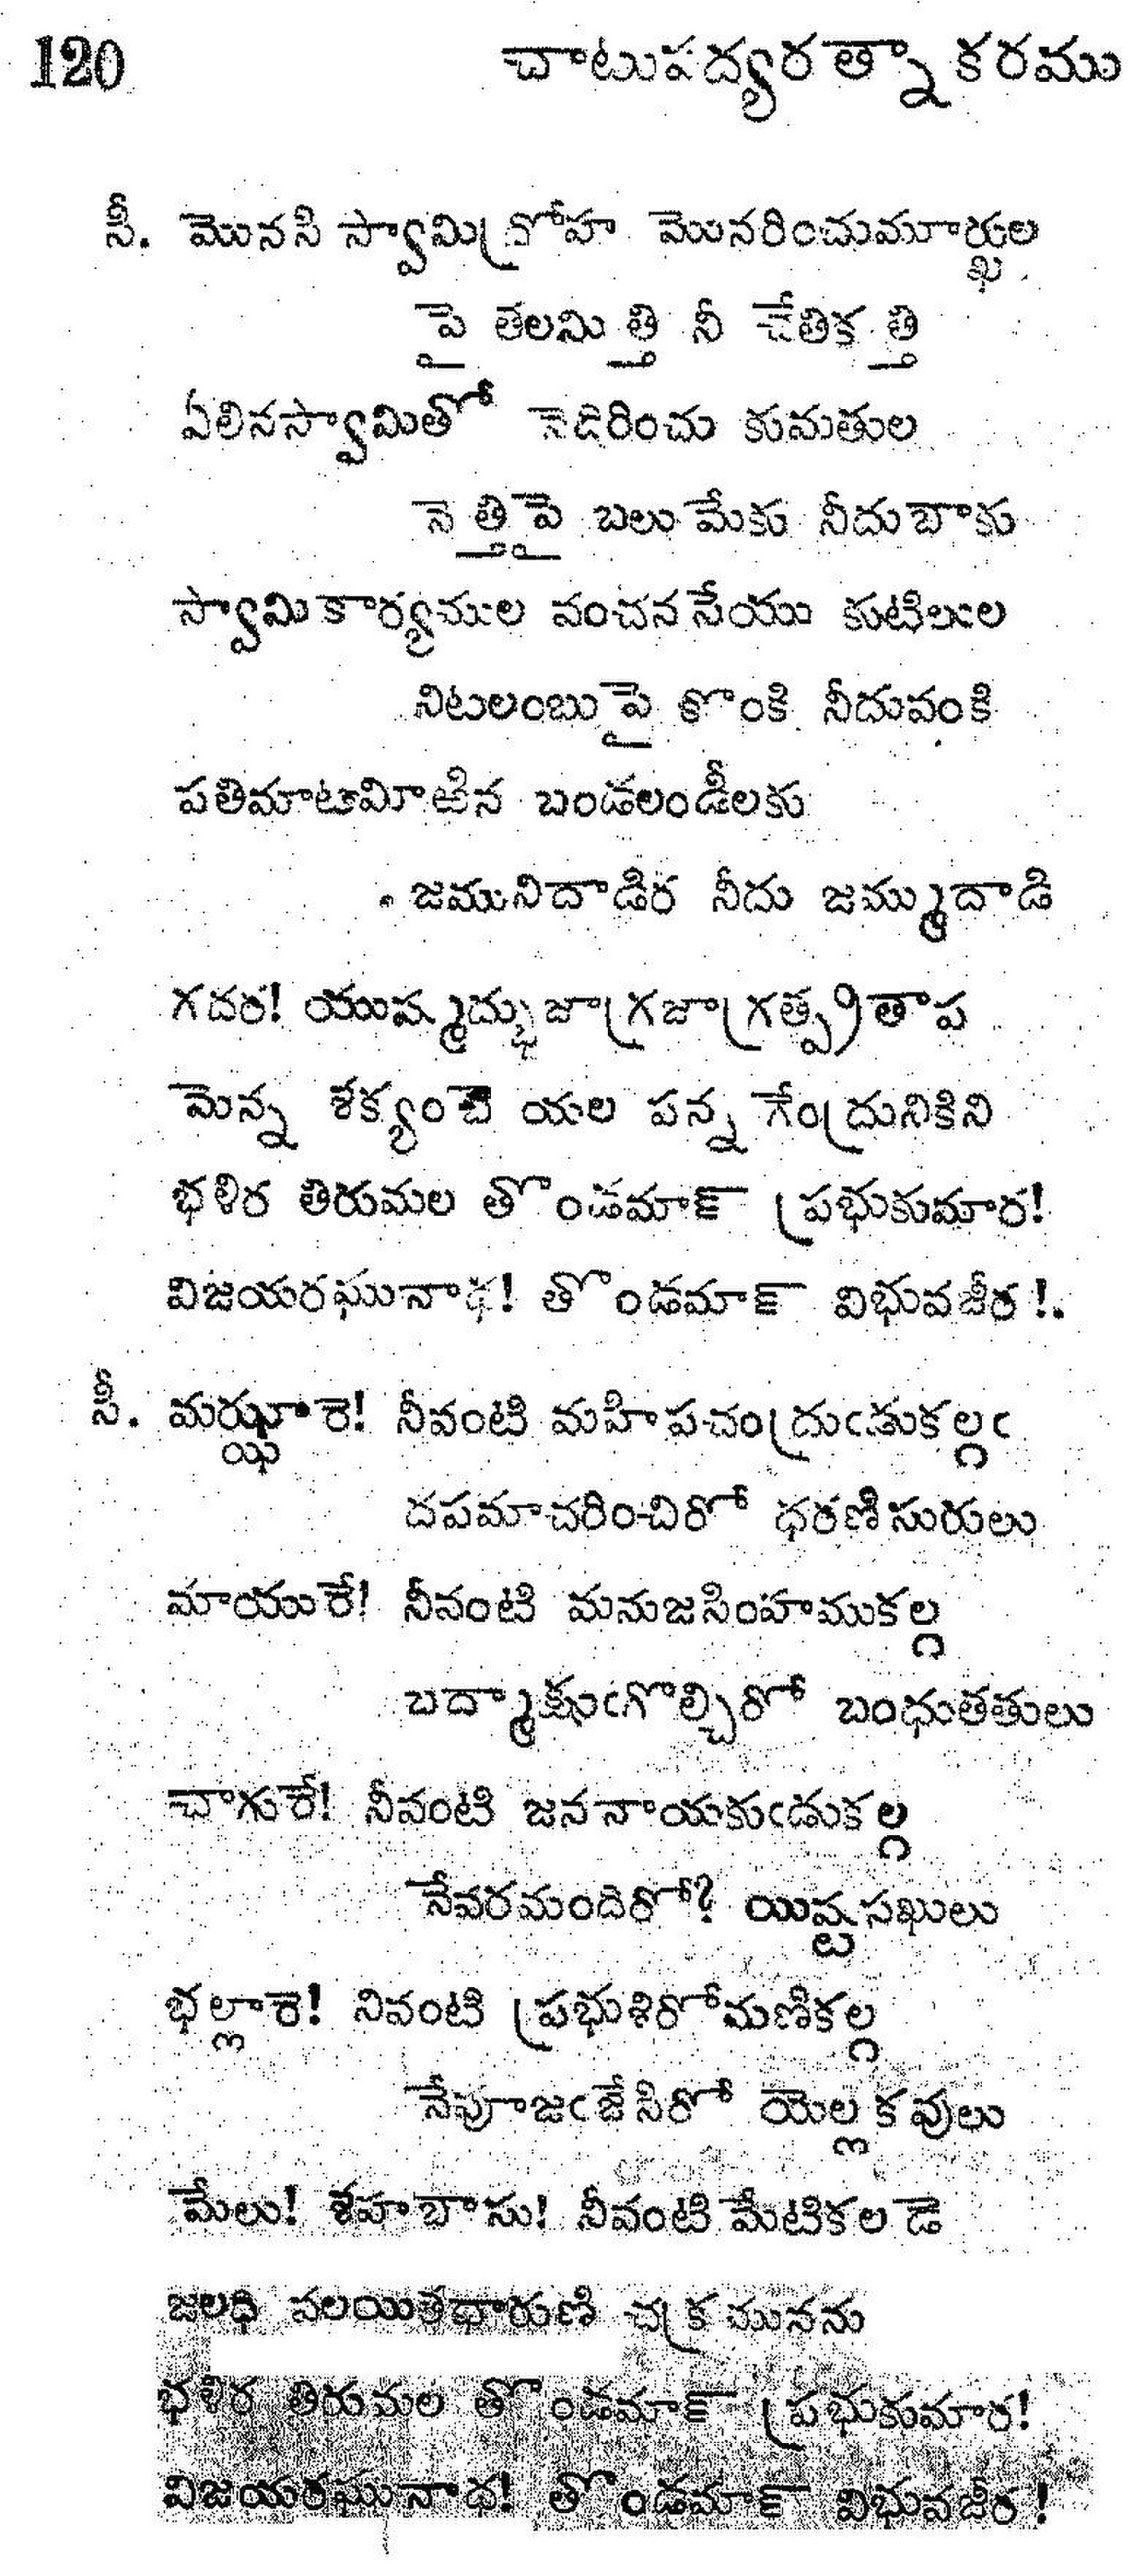సీ. మొనసి స్వామిద్రోహ మొనరించు మూర్ఖుల
 పైతలమిత్తి నీ చేతికత్తి
 ఏలినస్వామితో నెదిరించు కుమతుల
 నెత్తిపై బలుమేకు నీదుబాకు
 స్వామికార్యముల వంచనసేయు కుటిలుల
 నిటలంబుపై కొంకి నీదువంకి
 పతిమాట మీఱిన బండలండీలకు
 జమునిదాడిర నీదు జమ్ముదాడి
 గదర! యుష్మద్భుజాగ్రజాగ్రత్ప్రతాప
 మెన్న శక్యంబె యల పన్నగేంద్రునికిని
 భళిర! తిరుతొండమాన్ ప్రభుకుమార!
 విజయరఘునాథ! తొండమాన్ విభువజీర.

సీ. మఝ్ఝారె! నీవంటి మహిపచంద్రుఁడు కల్గఁ
 దప మాచరించిరో ధరణిసుతులు?
 మాయురే! నీవంటి మనుజసింహము కల్గ
 బద్మాక్షుఁ గొల్చిరో బంధుతతులు?
 చాగురే! నీవంటి జననాయకుఁడు కల్గ
 నేవర మందిరో యిష్టసఖులు?
 భల్లారె! నీవంటి ప్రభుశిరోమణి కల్గ
 నేపూజఁ జేసిరో యెల్లకవులు?
 మేలు! శహబాసు! నీవంటిమేటి కలడె
 జలధి వలయితధారుణి చక్రమునను?
 భళిర! తిరుతొండమాన్ ప్రభుకుమార!
 విజయరఘునాథ! తొండమాన్ విభువజీర.